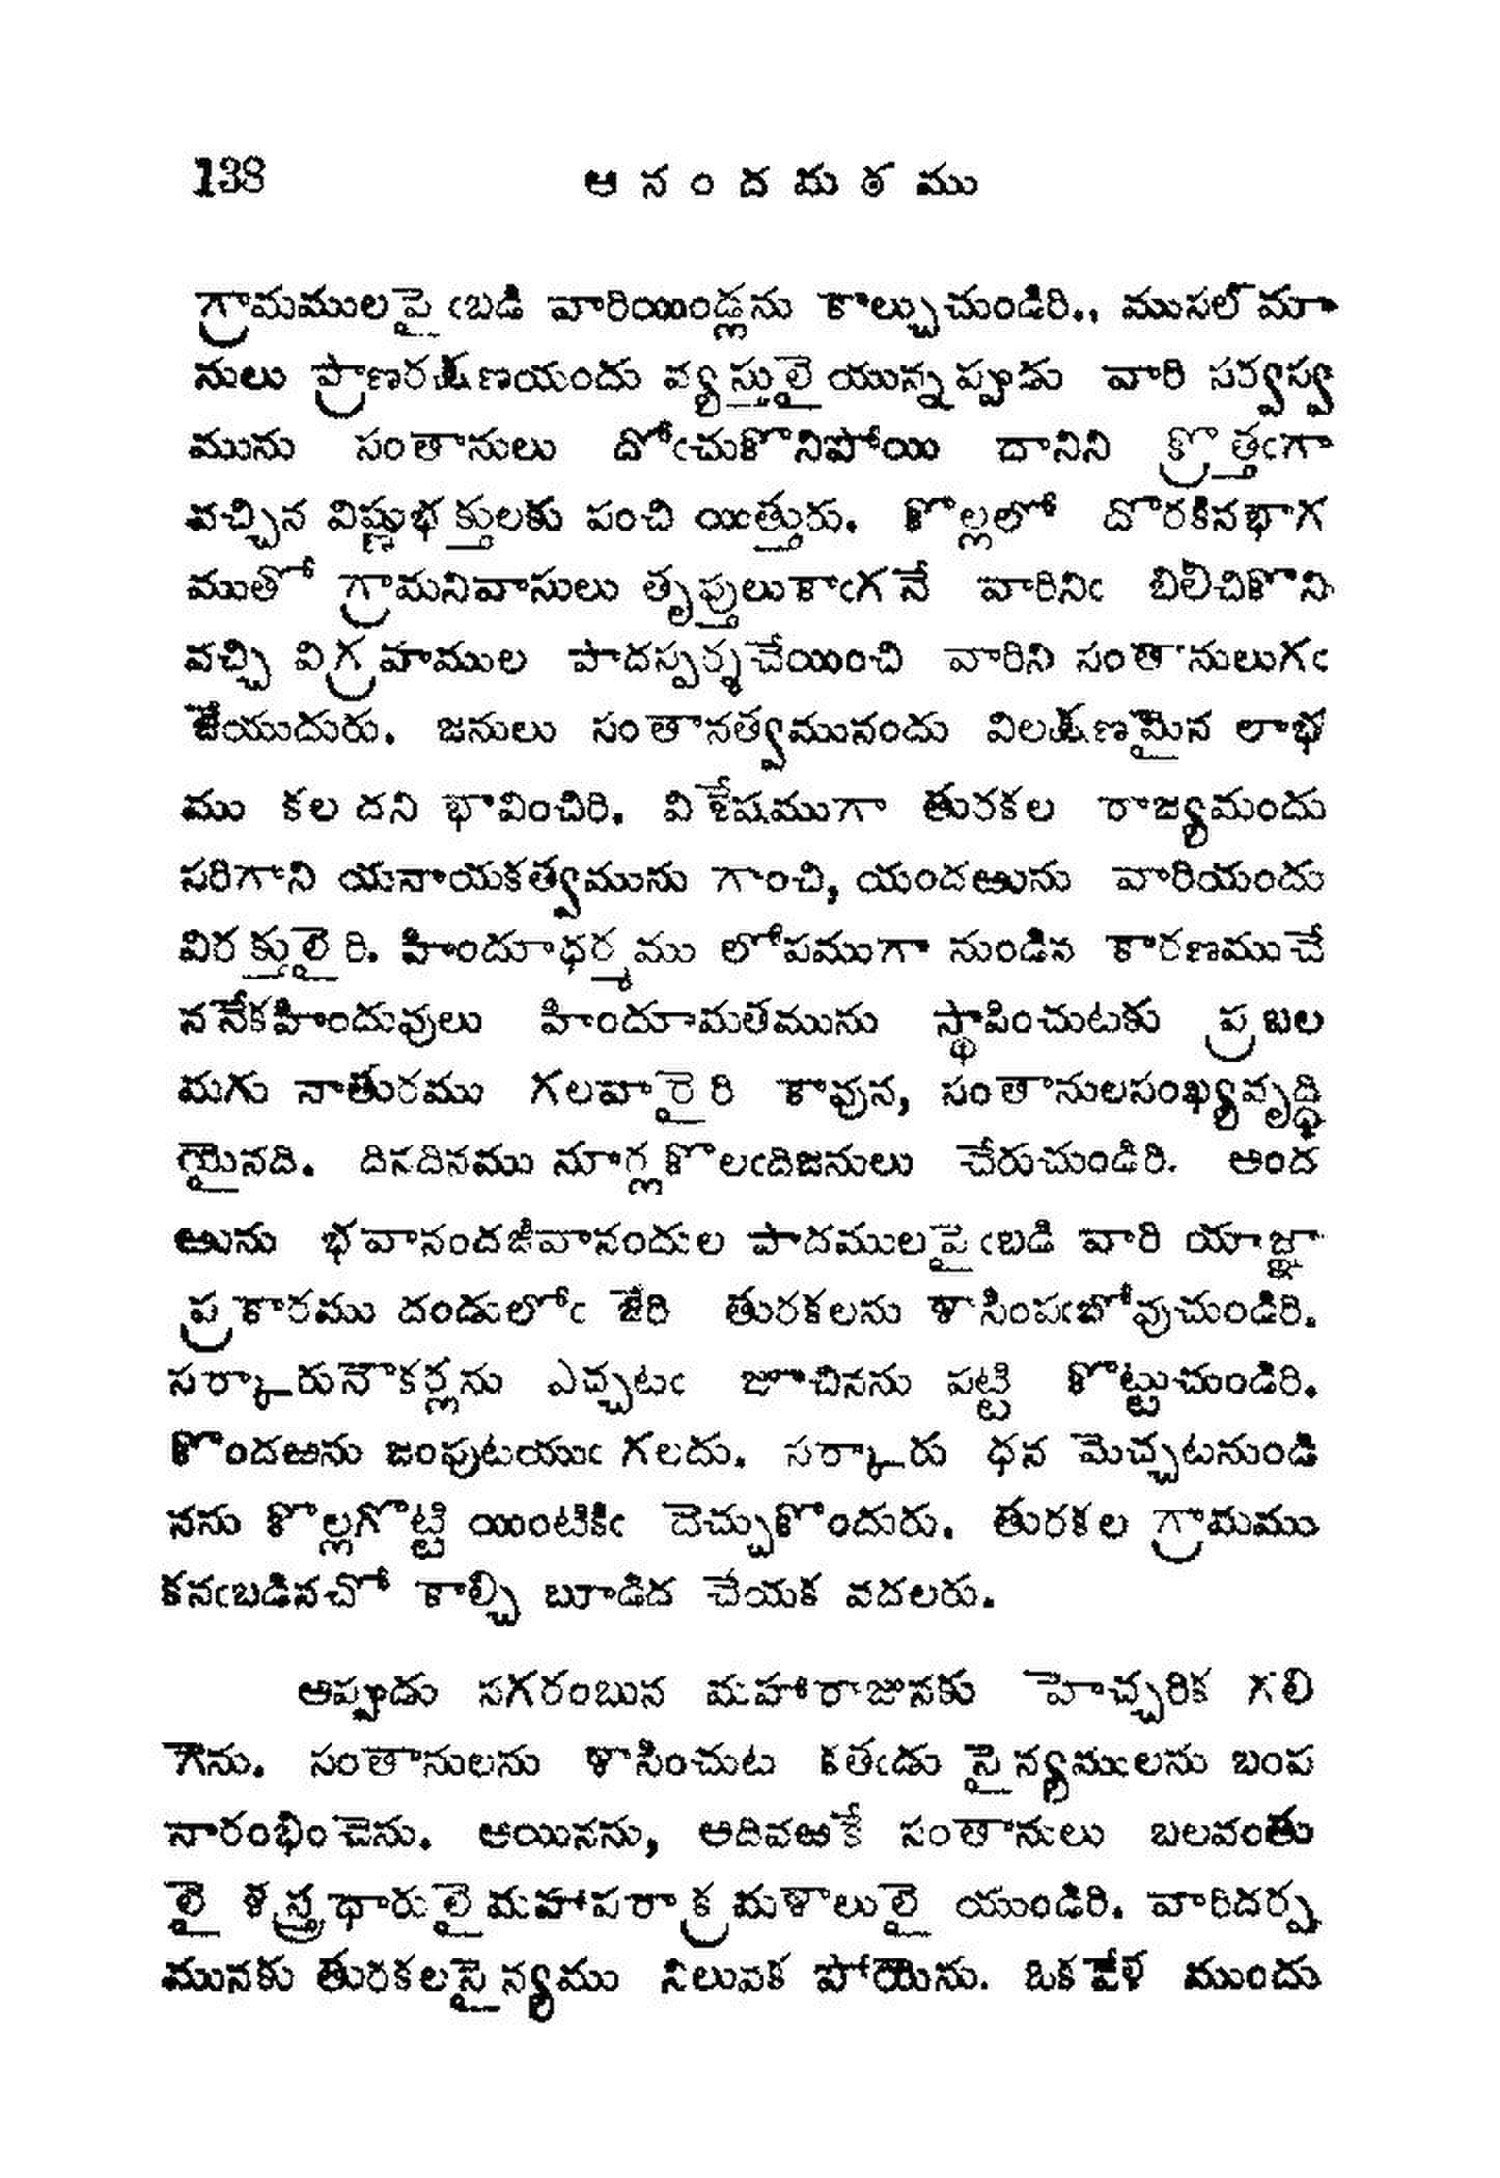గ్రామములపైఁబడి వారిండ్లను కాల్చుచుండిరి., ముసల్ మానులు ప్రాణరక్షణయందు వ్యస్తులై యున్నప్పుడు వారి సర్వస్వ
సంతానులు దోఁచుకొనిపోయి దానిని క్రొత్తఁగా వచ్చిన విష్ణుభక్తులకు పంచి యిత్తురు. కొల్లలో దొరకిన భాగముతో
గ్రామనివాసులు తృప్తులు కాఁగనే వారినిఁ బిలిచికొని వచ్చి విగ్రహముల పాదస్పర్శ చేయించి వారిని సంతానులుగఁ
జేయుదురు. జనులు సంతానత్వమునందు విలక్షణమైన లాభము కలదని భావించిరి. విశేషముగా తురకల 'రాజ్యమందు
సరిగాని యనాయకత్వమును గాంచి, యందఱును వారియందు విరక్తులైరి. హిందూధర్మము లోపముగా నుండిన కారణముచే
ననేక హిందువులు హిందూమతమును స్థాపించుటకు ప్రబలమగు నాతురము గలవారైరి కావున, సంతానులసంఖ్యవృద్ధి
యైనది. దినదినము నూర్ల కొలఁదిజనులు చేరుచుండిరి. అందఱును భవానందజీవానందుల పాదములపైఁబడి వారి యాజ్జా
ప్రకారము దండులోఁ జేరి తురకలను శాసింపఁబోవుచుండిరి. సర్కారునౌకర్లను ఎచ్చటఁ జూచినను పట్టి కొట్టుచుండిరి.
కొందఱను జంపుటయుఁ గలదు. సర్కారు ధన మెచ్చటనుండినను కొల్లగొట్టి యింటికిఁ దెచ్చుకొందురు. తురకల గ్రామము
కనఁబడినచో కాల్చి బూడిద చేయక వదలరు.

అప్పుడు నగరంబున మహారాజునకు హెచ్చరిక గలిగెను. సంతానులను శాసించుట కతఁడు సైన్యములను బంప నారంభించెను. అయినను, అదివఱుకే సంతానులు బలవంతులై శస్త్ర ధారులై మహాపరాక్రమశాలులై యుండిరి. వారిదర్భ
మునకు తురకల సైన్యము నిలుపక పోయెను. ఒక వేళ ముందు